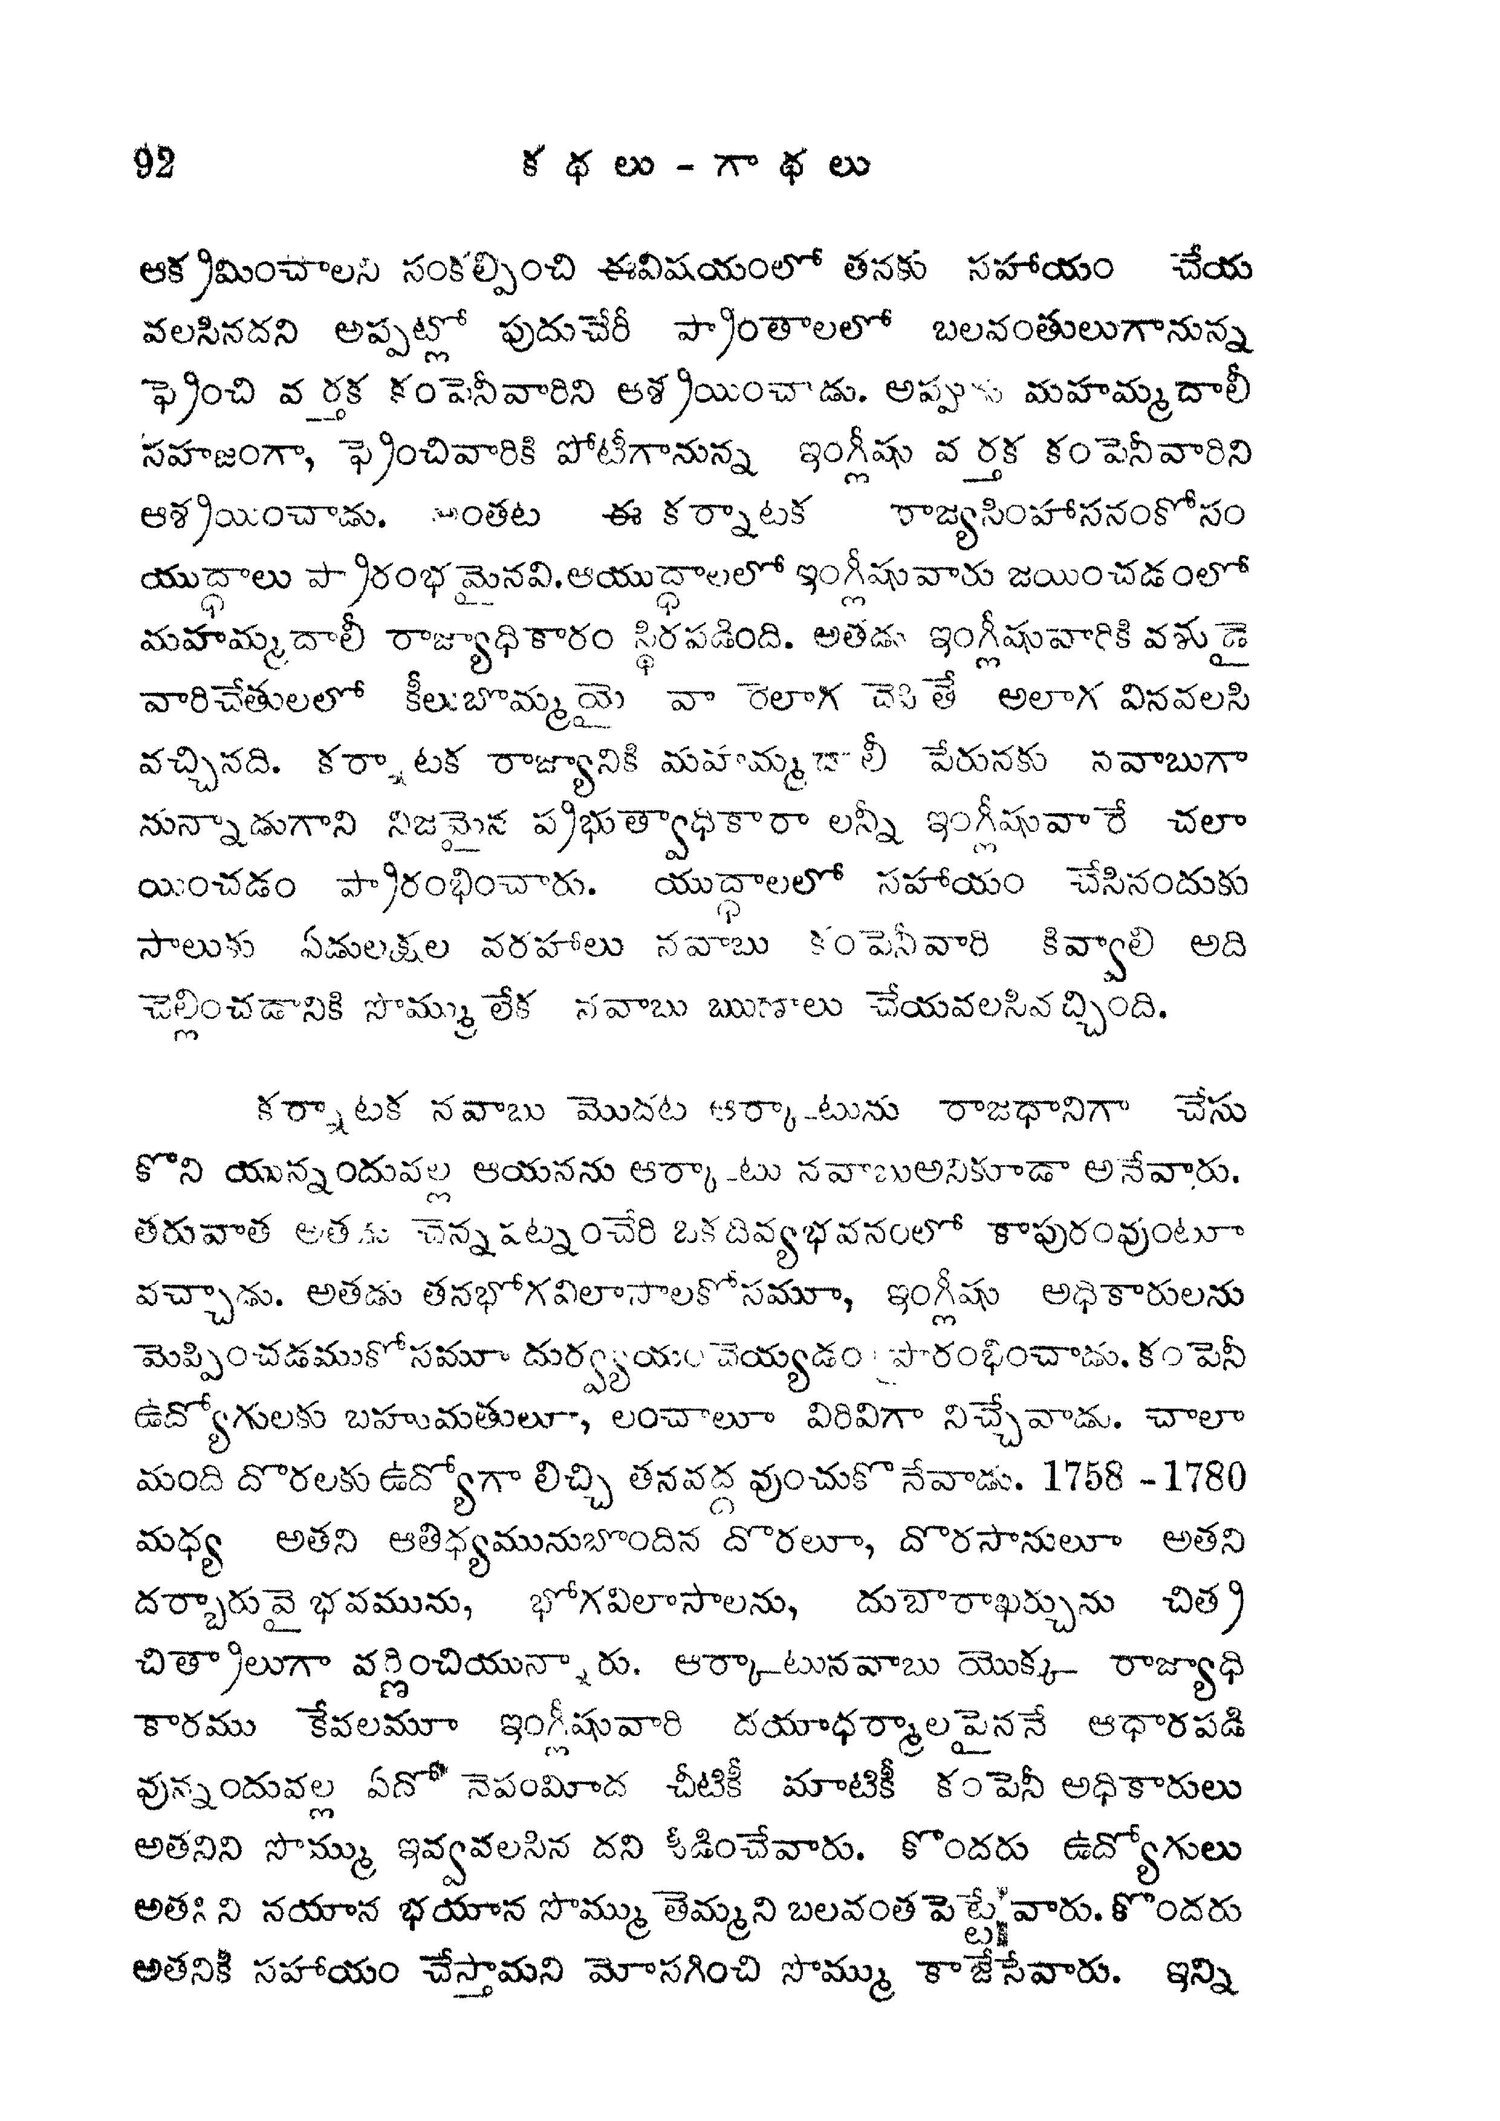ఆక్రమించాలని సంకల్పించి ఈవిషయంలో తనకు సహాయం చేయవలసినదని అప్పట్లో పుదుచేరి ప్రాంతాలలో బలవంతులుగానున్న ఫ్రెంచి వర్తక కంపెనీవారిని ఆశ్రయించారు. అప్పుడు మహమ్మదాలీ సహజంగా, ఫ్రెంచివారికి పోటీగానున్న ఇంగ్లీషు వర్తక కంపెనీవారిని ఆశ్రయించారు. అంతట ఈ కర్నాటక రాజ్యసింహాసనం కోసం యుద్ధాలు ప్రారంభమైనవి. ఆయుద్ధాలలో ఇంగ్లీషువారు జయించడంలో మహమ్మదాలీ రాజ్యాధికారం స్థిరపడింది. అతడు ఇంగ్లీషువారికి వశుడై వారిచేతులలో కీలుబొమ్మయై వా రెలాగ చెబితే అలాగ వినవలసి వచ్చినది. కర్నాటక రాజ్యానికి మహమ్మదాలీ పేరునకు నవాబుగా నున్నాడు గాని నిజమైన ప్రభుత్వాధికారాలన్నీ ఇంగ్లీషువారే చలాయించడం ప్రారంభించారు. యుద్ధాలలో సహాయం చేసినందుకు సాలుకు ఏడులక్షల వరహాలు నవాబు కంపెనీవారి కివ్వాలని అది చెల్లించడానికి సొమ్ములేక నవాబు ఋణాలు చేయవలసివచ్చింది.

కర్నాటక నవాబు మొదట ఆర్కాటును రాజధానిగా చేసుకొని యున్నందువల్ల ఆయనను ఆర్కాటు నవాబు అనికూడా అనేవారు. తరువాత అతడు చెన్నపట్నంచేరి ఒక దివ్యభవనంలో కాపురంవుంటూ వచ్చాడు. అతడు తనభోగవిలాసాలకోసమూ, ఇంగ్లీషు అధికారులను మెప్పించడముకోసమూ దుర్వ్యయం చెయ్యడం ప్రారంభించాడు.కంపెనీ ఉద్యోగులకు బహుమతులూ, లంచాలూ విరివిగా నిచ్చేవాడు. చాలా మంది దొరలకు ఉద్యోగాలిచ్చి తనవద్ద వుంచుకొనేవాడు. 1758-1780 మధ్య అతని అతిధ్యమునుబొందిన దొరలూ దొరసానులూ అతని దర్బారువైభవమును, భోగవిలాసాలను, దుబారాఖర్చును చిత్రచిత్రాలుగా వర్ణించి యున్నారు. ఆర్కాటునవాబు యొక్క రాజ్యాధికారము కేవలమూ ఇంగ్లీషువారి దయాధర్మాలపైననే ఆధాపడి వున్నందువల్ల ఏదో నెపంమీద చీటికీ మాటికీ కంపెనీ అధికారులు అతనిని సొమ్ము ఇవ్వవలసిన దని పీడించేవారు. కొందరు ఉద్యోగులు అతనిని నయాన భయాన సొమ్ము తెమ్మని బలవంతపెట్టేవారు. కొందరు అతనికి సహాయం చేస్తామని మోసగించి సొమ్ము కాజేసేవారు. ఇన్ని